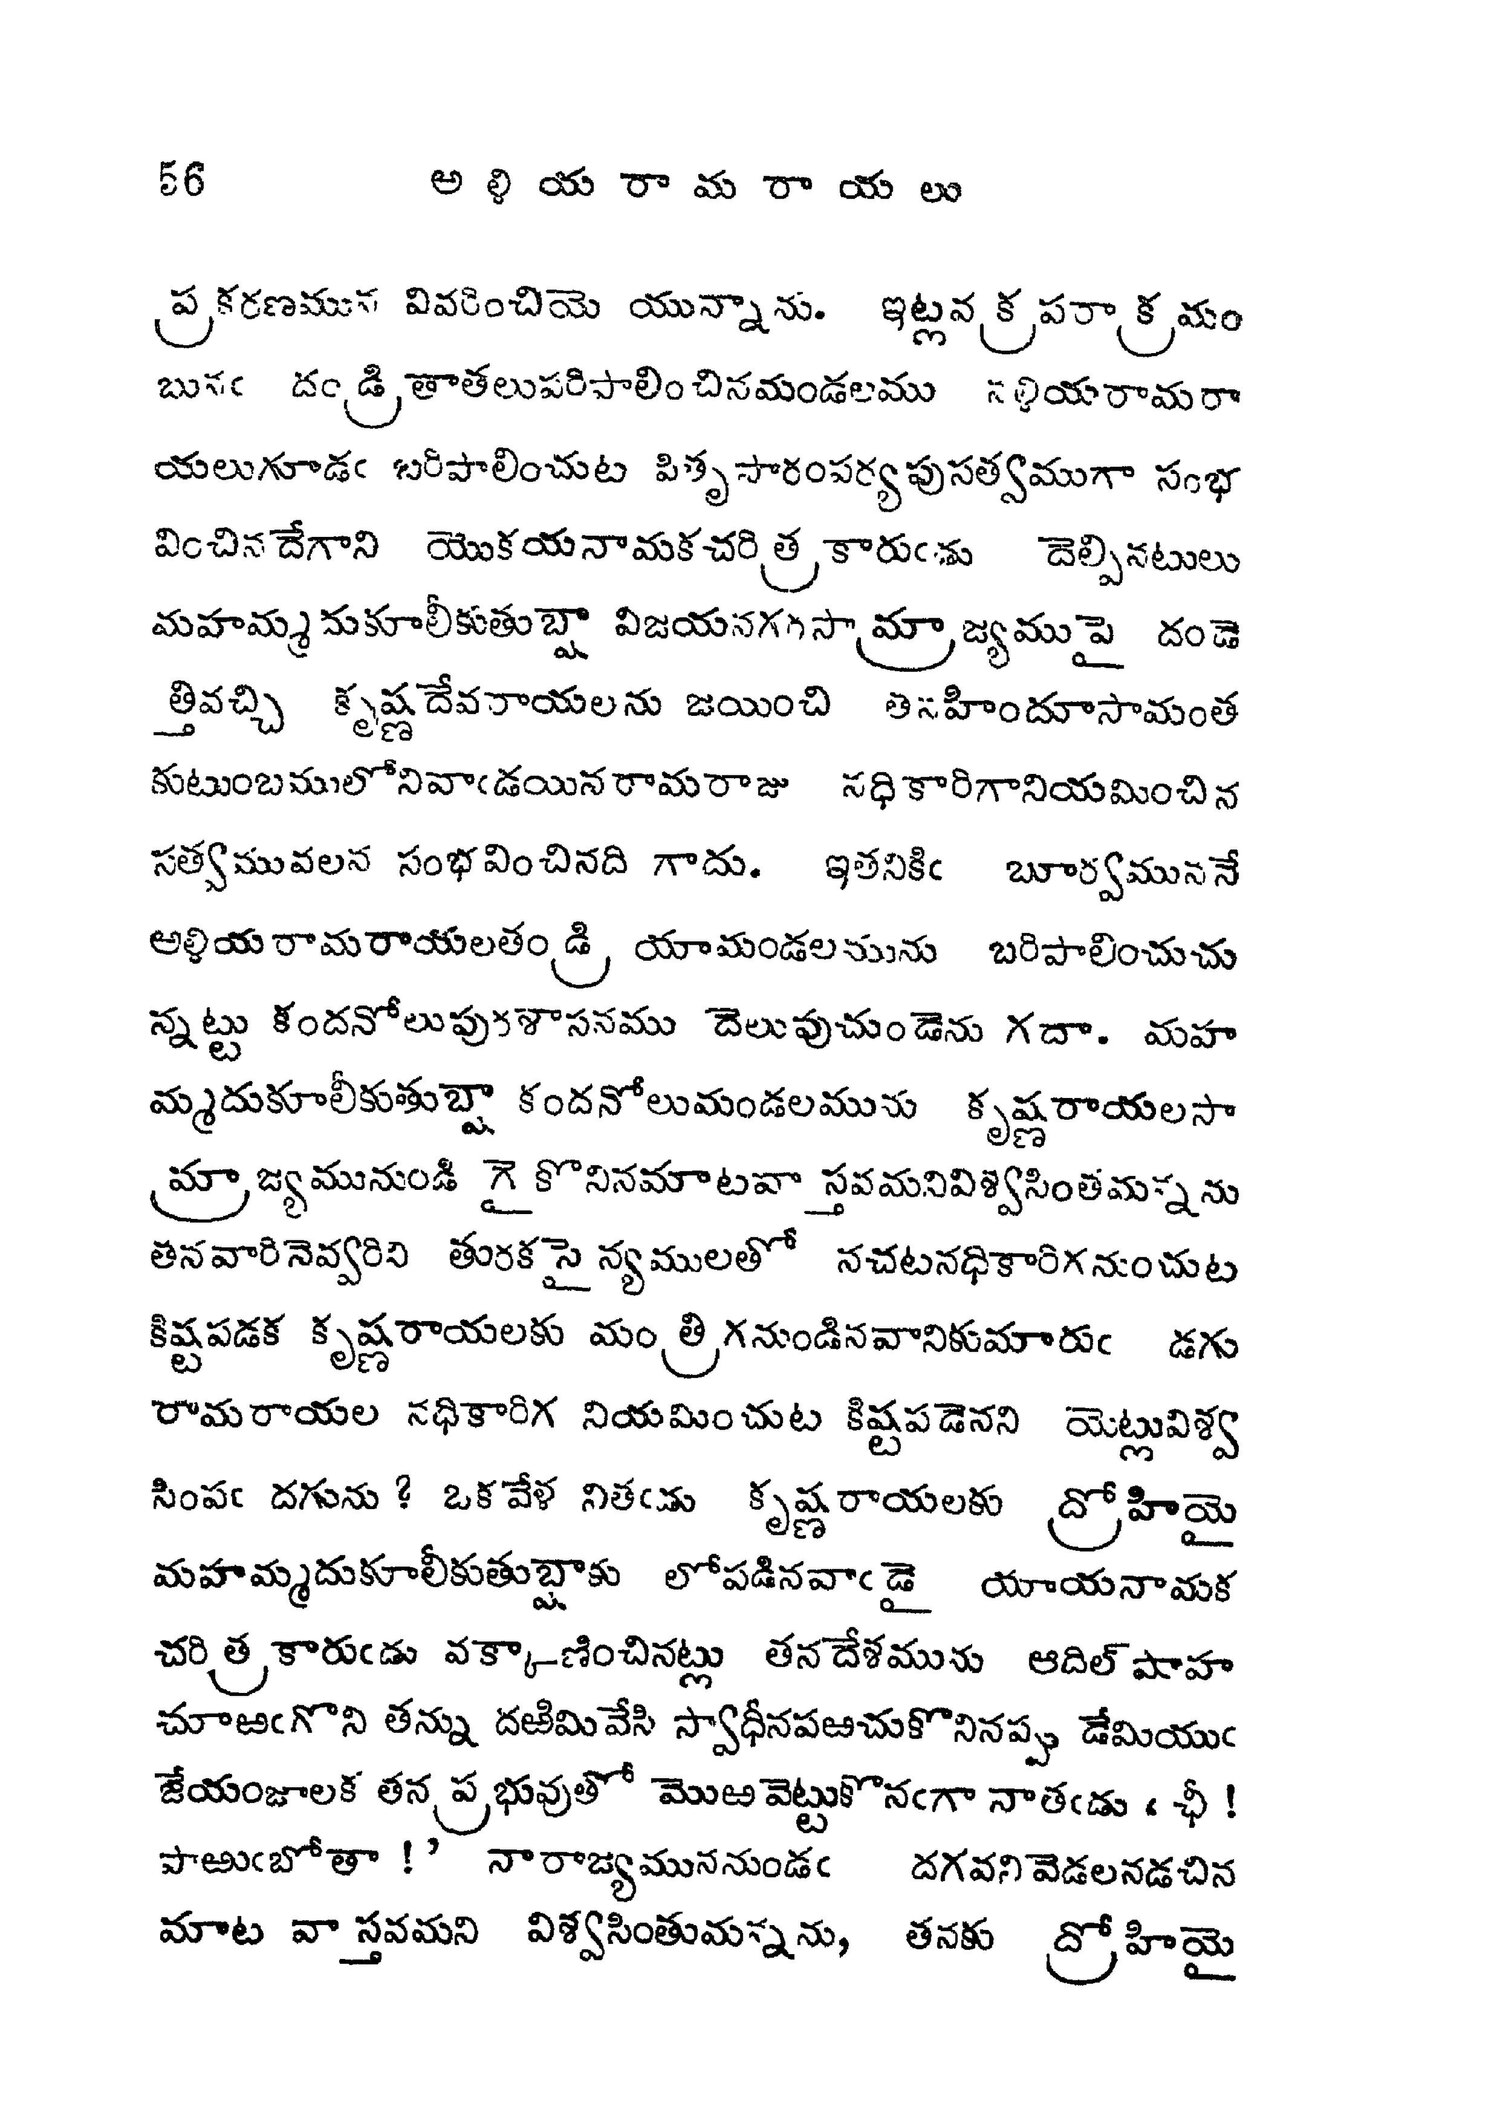ప్రకరణమున వివరించియె యున్నాను. ఇట్లవక్రపరాక్రమంబున దండ్రితాతలు పరిపాలించిన మండలము నలియరామరాయలుగూడ బరిపాలించుట పితృపారంపర్యపుసత్వముగా సంభవించినదేగాని యొకయనామకచరిత్రకారుడు దెల్పినటులు మహమ్మదుకూలీకుతుబ్షా విజయనగరసామ్రాజ్యముపై దండెత్తివచ్చి కృష్ణదేవరాయలను జయించి తనహిందూసామంత కుటుంబములోనివాడయిన రామరాజు నధికారిగానియమించిన సత్వమువలన సంభవించినది గాదు. ఇతనికి బూర్వముననే అలియరామరాయలతండ్రి యామండలమును బరిపాలించుచున్నట్టు కందనోలుపురశాసనము దెలుపుచుండెను గదా. మహమ్మదుకూలీకుతుబ్షా కందనోలుమండలమును కృష్ణరాయల సామ్రాజ్యము నుండి గైకొనినమాటవాస్తవమని విశ్వసింతమన్నను తనవారినెవ్వరిని తురకసైన్యములతో నచటనధికారిగ నుంచుట కిష్టపడక కృష్ణరాయలకు మంత్రిగనుండినవానికుమారు డగు రామరాయల నధికారిగ నియమించుట కిష్టపడెనని యెట్లువిశ్వసింప దగును? ఒకవేళ నితడు కృష్ణరాయలకు ద్రోహియై మహమ్మదుకూలీకుతుబ్షాకు లోపడినవాడై యాయనామక చరిత్రకారుడు వక్కాణించినట్లు తనదేశమును ఆదిల్‌షాహ చూఱగొని తన్ను దఱిమివేసి స్వాధీనపఱచుకొనినప్పు డేమియు జేయంజాలక తన ప్రభువుతో మొఱవెట్టుకొనగా నాతడు 'చీ! పాఱుబోతా!' నారాజ్యముననుండ దగవనివెడలనడచిన మాట వాస్తవమని విశ్వసింతుమన్నను, తనకు ద్రోహియై